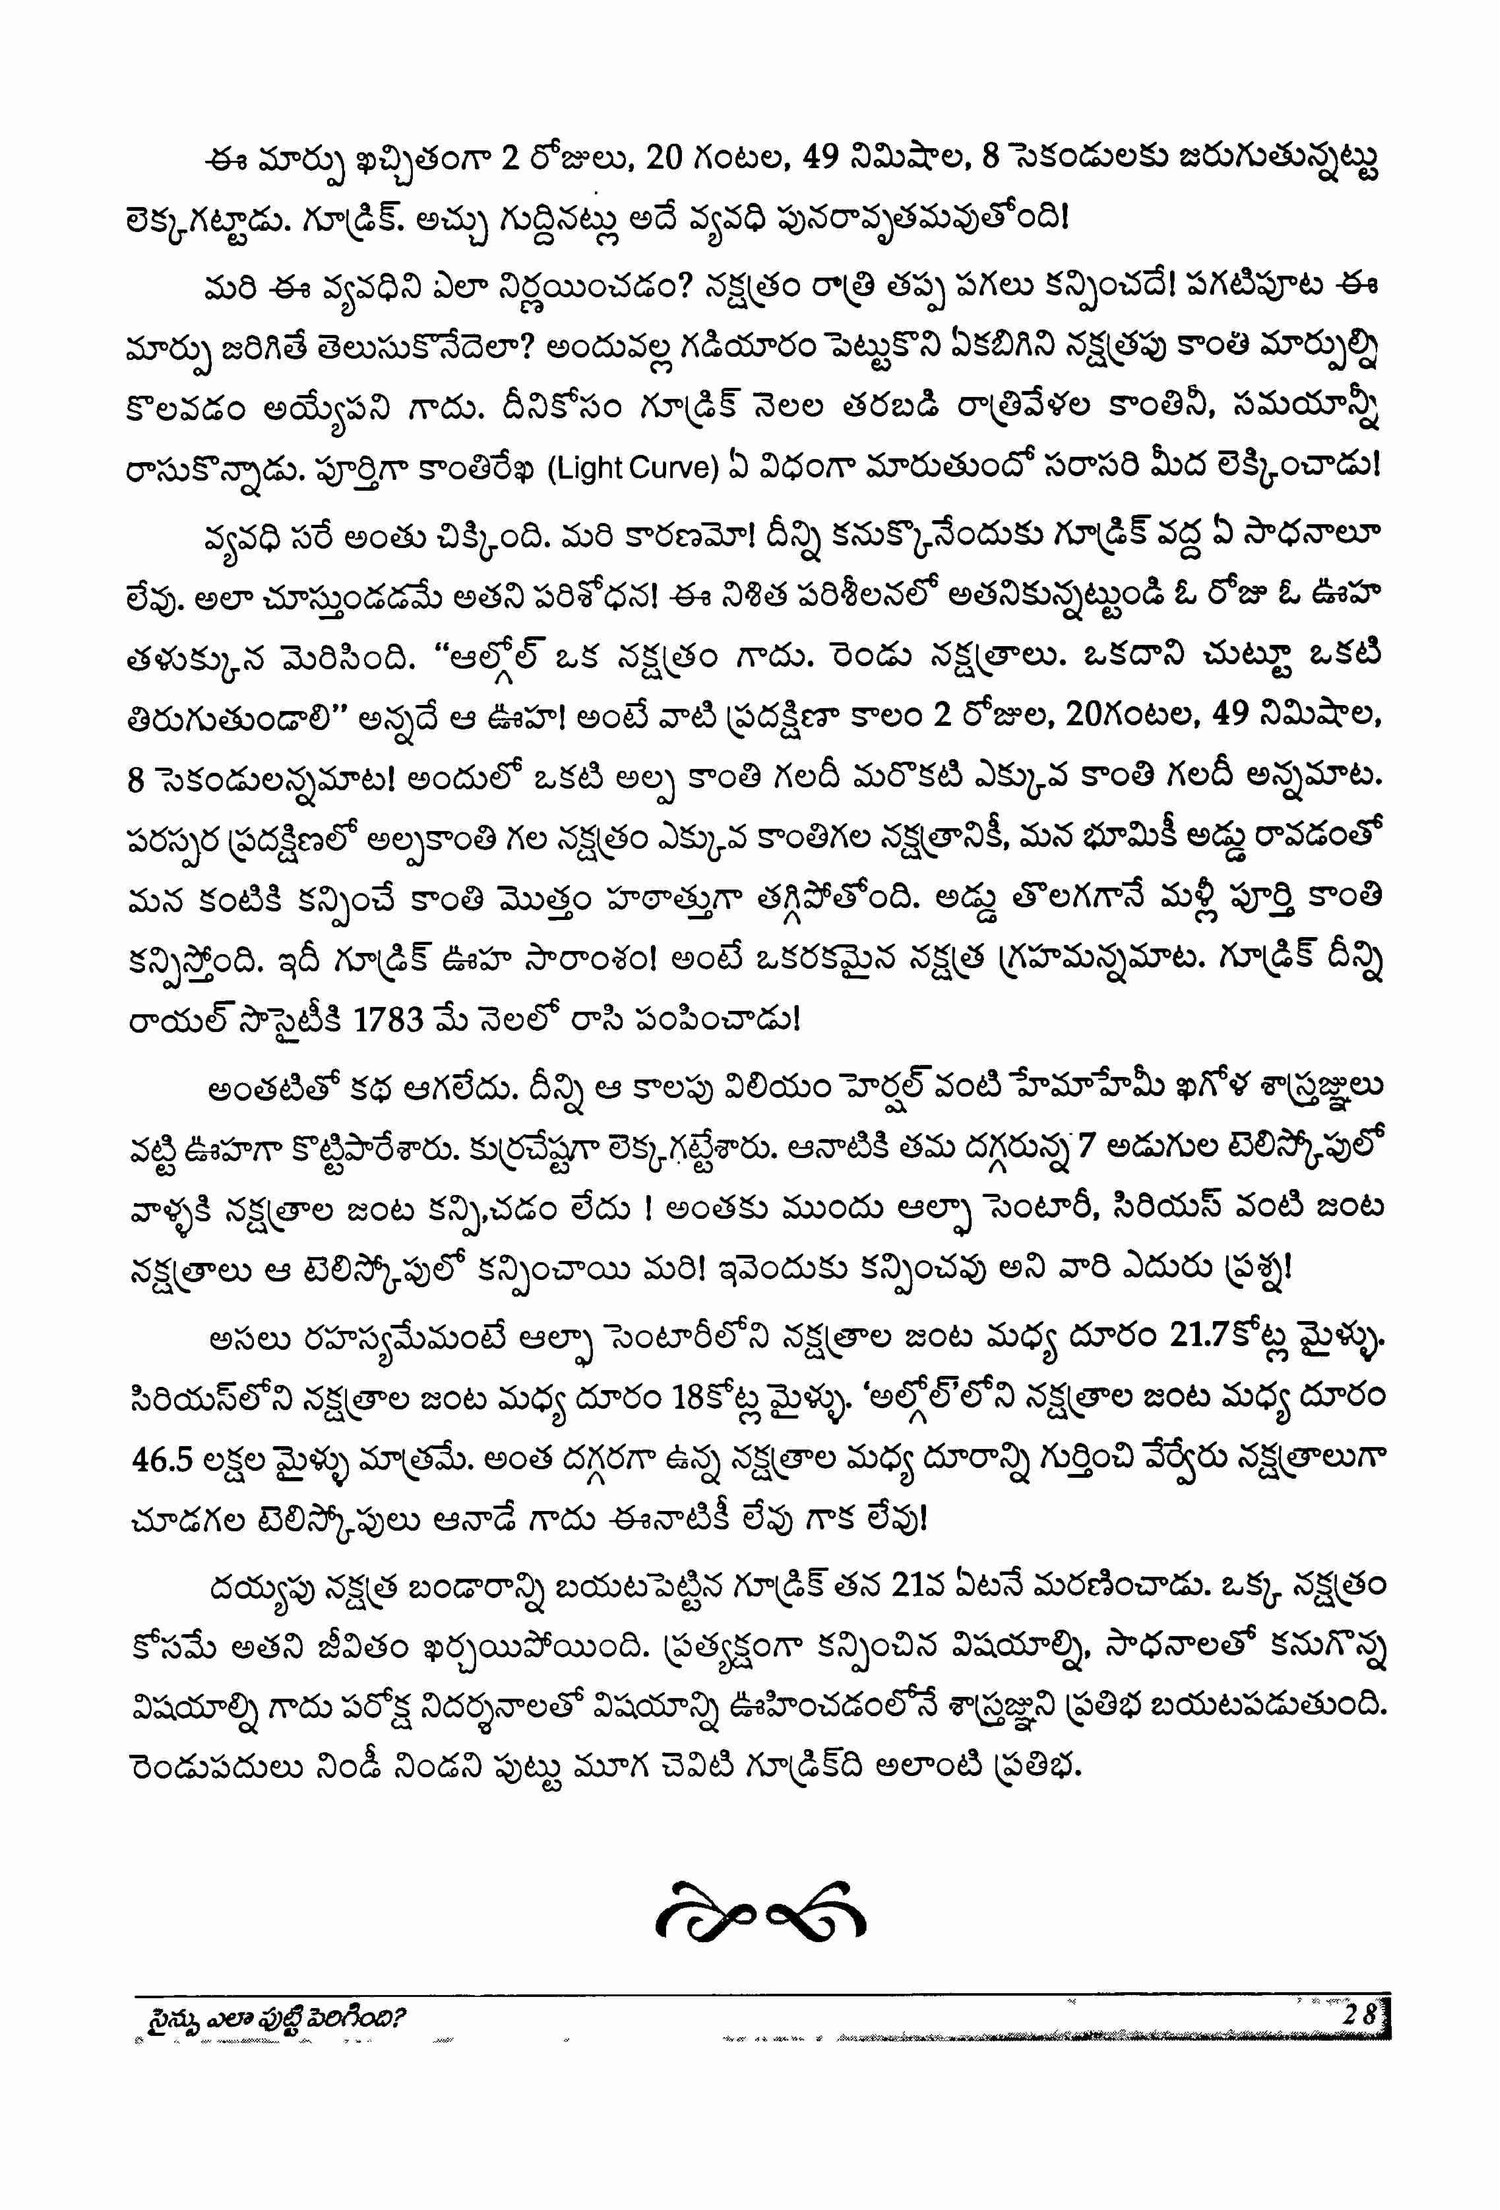ఈ మార్పు ఖచ్చితంగా 2 రోజులు, 20 గంటల, 49 నిమిషాల, 8 సెకండులకు జరుగుతున్నట్టు లెక్కగట్టాడు. గూడ్రిక్. అచ్చు గుద్దినట్లు అదే వ్యవధి పునరావృతమవుతోంది!

మరి ఈ వ్యవధిని ఎలా నిర్ణయించడం? నక్షత్రం రాత్రి తప్ప పగలు కన్పించదే! పగటిపూట ఈ మార్పు జరిగితే తెలుసుకొనేదెలా? అందువల్ల గడియారం పెట్టుకొని ఏకబిగిని నక్షత్రపు కాంతి మార్పుల్ని కొలవడం అయ్యేపని గాదు. దీనికోసం గూడ్రిక్ నెలల తరబడి రాత్రివేళల కాంతినీ, సమయాన్నీ రాసుకొన్నాడు. పూర్తిగా కాంతిరేఖ (Light Curve) ఏ విధంగా మారుతుందో సరాసరి మీద లెక్కించాడు!

వ్యవధి సరే అంతు చిక్కింది. మరి కారణమో! దీన్ని కనుక్కొనేందుకు గూడ్రిక్ వద్ద ఏ సాధనాలూ లేవు. అలా చూస్తుండడమే అతని పరిశోధన! ఈ నిశిత పరిశీలనలో అతనికున్నట్టుండి ఓ రోజు ఓ ఊహ తళుక్కున మెరిసింది. “ఆల్గోల్ ఒక నక్షత్రం గాదు. రెండు నక్షత్రాలు. ఒకదాని చుట్టూ ఒకటి తిరుగుతుండాలి" అన్నదే ఆ ఊహ! అంటే వాటి ప్రదక్షిణా కాలం 2 రోజుల, 20గంటల, 49 నిమిషాల, 8 సెకండులన్నమాట! అందులో ఒకటి అల్ప కాంతి గలదీ మరొకటి ఎక్కువ కాంతి గలదీ అన్నమాట. పరస్పర ప్రదక్షిణలో అల్పకాంతి గల నక్షత్రం ఎక్కువ కాంతిగల నక్షత్రానికీ, మన భూమికీ అడ్డు రావడంతో మన కంటికి కన్పించే కాంతి మొత్తం హఠాత్తుగా తగ్గిపోతోంది. అడ్డు తొలగగానే మళ్లీ పూర్తి కాంతి కన్పిస్తోంది. ఇదీ గూడ్రిక్ ఊహ సారాంశం! అంటే ఒకరకమైన నక్షత్ర గ్రహమన్నమాట. గూడ్రిక్ దీన్ని
రాయల్ సొసైటీకి 1783 మే నెలలో రాసి పంపించాడు!

అంతటితో కథ ఆగలేదు. దీన్ని ఆ కాలపు విలియం హెర్షల్ వంటి హేమాహేమీ ఖగోళ శాస్త్రజ్ఞులు వట్టి ఊహగా కొట్టిపారేశారు. కుర్రచేష్టగా లెక్కగట్టేశారు. ఆనాటికి తమ దగ్గరున్న 7 అడుగుల టెలిస్కోపులో వాళ్ళకి నక్షత్రాల జంట కన్పి,చడం లేదు ! అంతకు ముందు ఆల్ఫా సెంటారీ, సిరియస్ వంటి జంట నక్షత్రాలు ఆ టెలిస్కోపులో కన్పించాయి మరి! ఇవెందుకు కన్పించవు అని వారి ఎదురు ప్రశ్న!

అసలు రహస్యమేమంటే ఆల్ఫా సెంటారీలోని నక్షత్రాల జంట మధ్య దూరం 21.7 కోట్ల మైళ్ళు. సిరియస్‌లోని నక్షత్రాల జంట మధ్య దూరం 18కోట్ల మైళ్ళు. 'అల్గోల్‌లోని నక్షత్రాల జంట మధ్య దూరం 46.5 లక్షల మైళ్ళు మాత్రమే. అంత దగ్గరగా ఉన్న నక్షత్రాల మధ్య దూరాన్ని గుర్తించి వేర్వేరు నక్షత్రాలుగా చూడగల టెలిస్కోపులు ఆనాడే గాదు ఈనాటికీ లేవు గాక లేవు!

దయ్యపు నక్షత్ర బండారాన్ని బయటపెట్టిన గూడ్రిక్ తన 21వ ఏటనే మరణించాడు. ఒక్క నక్షత్రం కోసమే అతని జీవితం ఖర్చయిపోయింది. ప్రత్యక్షంగా కన్పించిన విషయాల్ని, సాధనాలతో కనుగొన్న విషయాల్ని గాదు పరోక్ష నిదర్శనాలతో విషయాన్ని ఊహించడంలోనే శాస్త్రజ్ఞుని ప్రతిభ బయటపడుతుంది. రెండుపదులు నిండీ నిండని పుట్టు మూగ చెవిటి గూడ్రిక్‌ది అలాంటి ప్రతిభ.